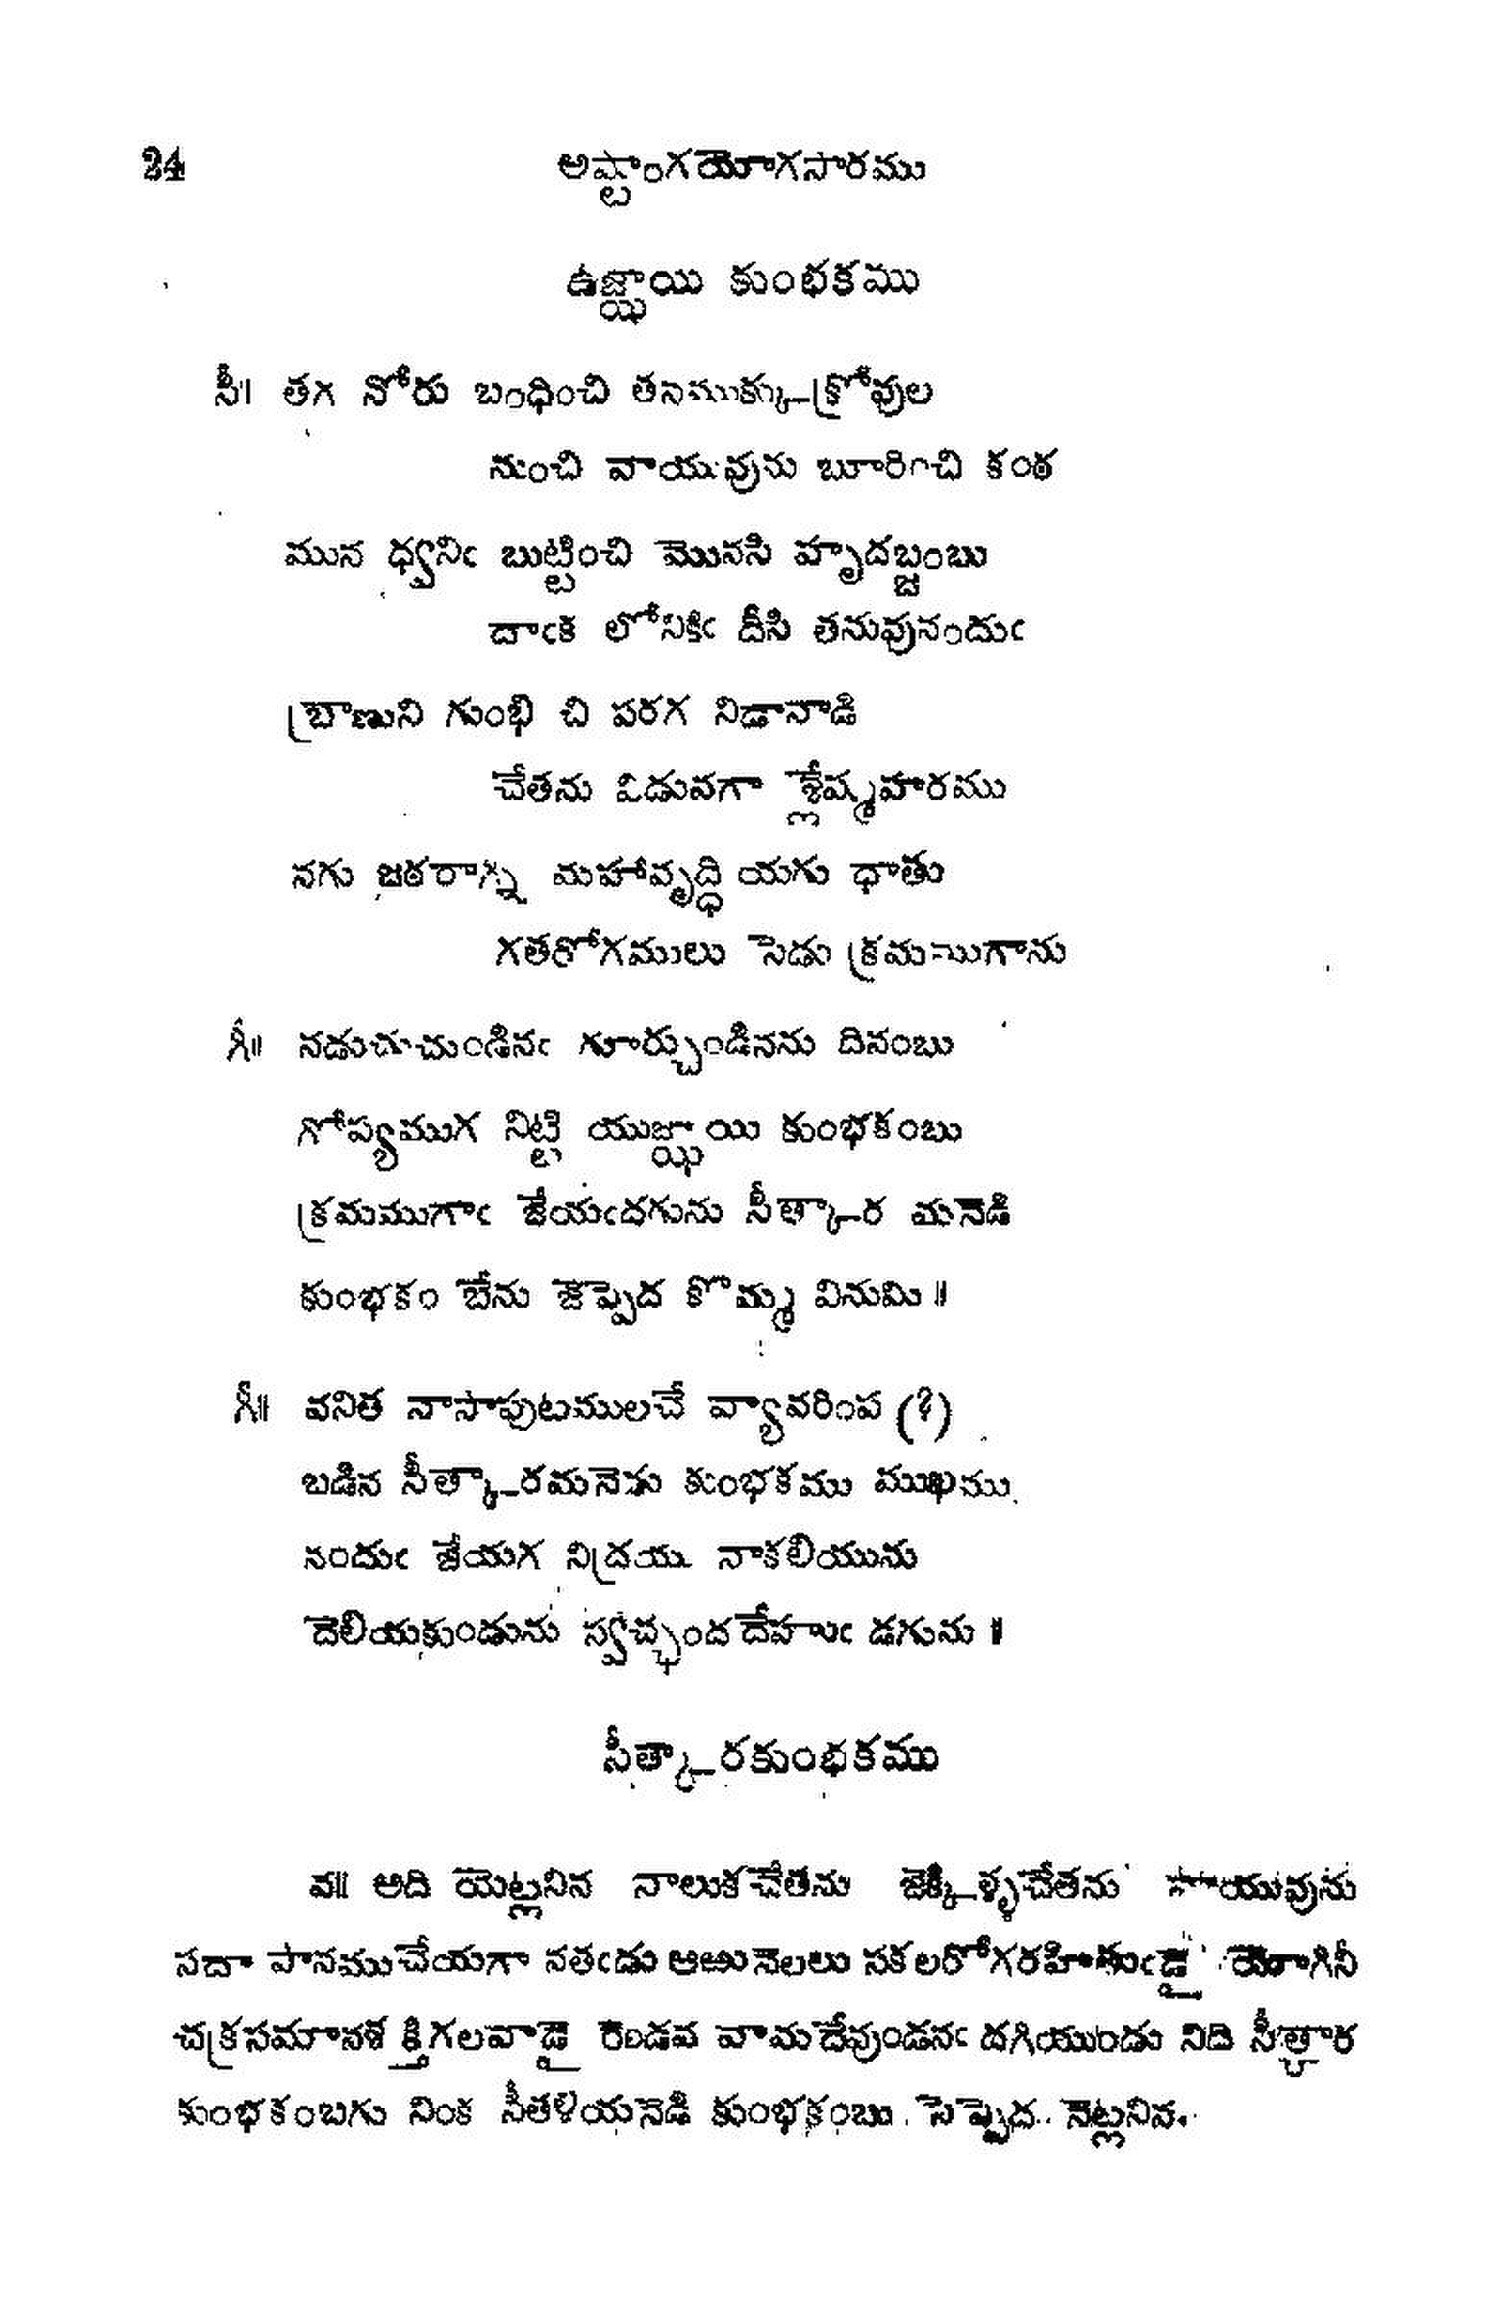సీ. తగ నోరు బంధించి తసముక్కుక్రోవుల
 నుంచి వాయువును బూరించి కంఠ
 మున ధ్వనిఁ బుట్టించి మొనసి హృదబ్జంబు
 దాఁక లోనికిఁ దీసి తనువునందుఁ
 బ్రాణుని గుంభించి పరగ నిడానాడి
 చేతను విడువగా శ్లేష్మహరము
 నగు జఠరాగ్ని మహావృద్ధి యగు ధాతు
 గతరోగములు సెడు క్రమముగాను
గీ. నడుచుచుండినఁ గూర్చుండినను దినంబు
 గోప్యముగ నిట్టి యుజ్ఝాయి కుంభకంబు
 క్రమముగాఁ జేయఁదగును సీత్కార మనెడి
 కుంభకం బేను జెప్పెద కొమ్మ వినుమి.
గీ. వనిత నాసాపుటములచే వ్యావరింప (?)
 బడిన సీత్కారమనెడు కుంభకము ముఖము
 నందుఁ జేయగ నిద్రయు నాకలియును
 దెలియకుండును స్వచ్ఛందదేహుఁ డగును.

వ. అది యెట్లనిన నాలుకచేతను జెక్కిళ్ళచేతను వాయువును సదా పానముచేయగా నతఁడు ఆఱునెలలు సకలరోగరహితుఁడై యోగినీచక్రసమానశక్తిగలవాడై రెండవ వామదేవుండనఁ దగియుండు నిది సీత్కారకుంభకంబగు నింక సీతళి యనెడి కుంభకంబు సెప్పెద నెట్లనిన.